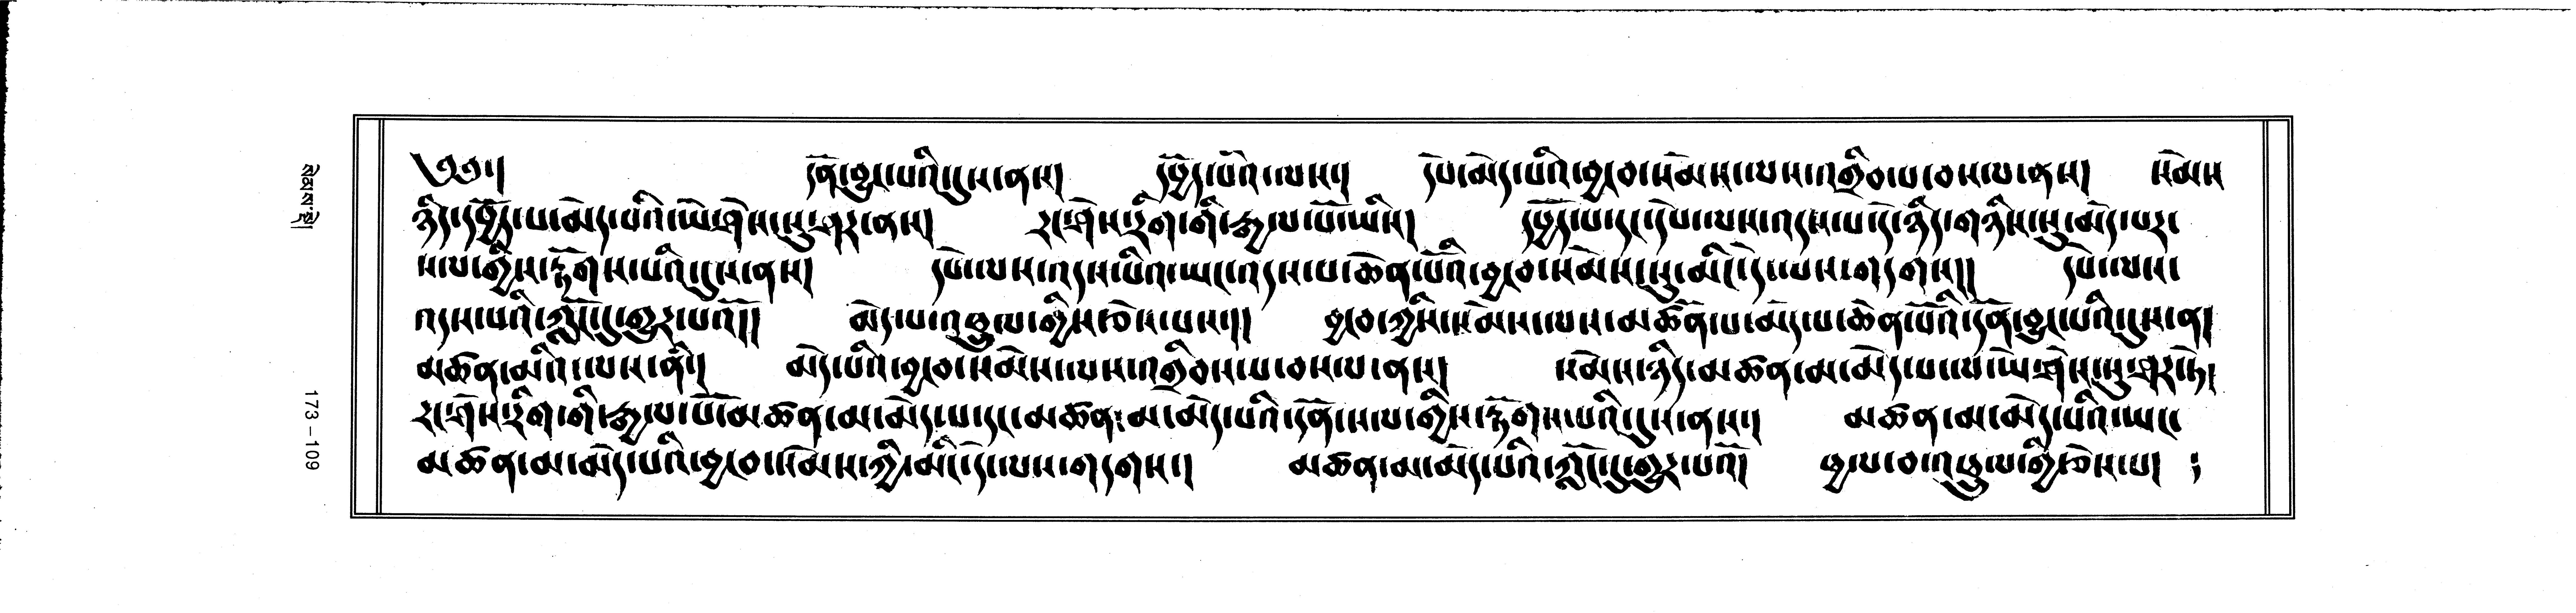དོན་འབྱུང་བའི་དུས་ན། དཔྱོདཔའི་ལས་དཔེ་མེད་པའི་བྱང་ཆུབ་སེམས་ལས་འགྲིབ་པ་བསལ་ནས། སེམས་
ཉིད་དཔྱོད་པ་མེད་པའི་ཡེ་ཤེས་སུ་ཤར་ནས། རང་ཤེས་རིག་གི་རྒྱལ་པོ་ཡིས། དཔྱོད་པ་དང་དཔེ་ལས་འདས་པ་དེ་ཉིད་གཉིས་སུ་མེད་པར་
སལ་གྱིས་རྟོགས་པའི་དུས་ན། དཔེ་ལས་འདས་པའི་ཡང་འདས་པ་ཆེན་པོའི་བྱང་ཆུབ་སེམས་སུ་ཡང་མིང་དེ་ལ་གདགས། དཔེ་ལས་
འདས་པའི་ཀློང་དུ་གྱུར་པའོ། །མེད་པ་འཕྲུལ་གྱི་ཅེས་པས། ཀུན་གཞི་བྱང་ཆུབ་ཀྱི་སེམས་ལས། བྱང་ཆུབ་ཀྱི་སེམས་ལས་མཚོན་པ་མེད་པ་ཆེན་པོའི་དོན་བྱུང་བའི་དུས་ན། 
མཚན་མའི་ལས་ནི། མེད་པའི་བྱང་ཆུབ་སེམས་ལས་འགྲིབ་པ་བསལ་ནས། སེམས་ཉིད་མཚན་མ་མེད་པ་ལ་ཡེ་ཤེས་སུ་ཤར་ཏེ། 
རང་ཤེས་རིག་གི་རྒྱལ་པོ་མཚན་མ་མེད་པ་དང་མཚན་མ་མེད་པའི་དོན་སལ་གྱིས་རྟོགས་པའི་དུས་ན། མཚན་མ་མེད་པའི་ཡང་
མཚན་མ་མེད་པའི་བྱང་ཆུབ་སེམས་ཀྱི་ཡང་མིང་དེ་ལ་གདགས། མཚན་མ་མེད་པའི་ཀློང་དུ་གྱུར་པའོ། །ཕྱལ་བ་འཕྲུལ་གྱིས་ཅེས་པ།